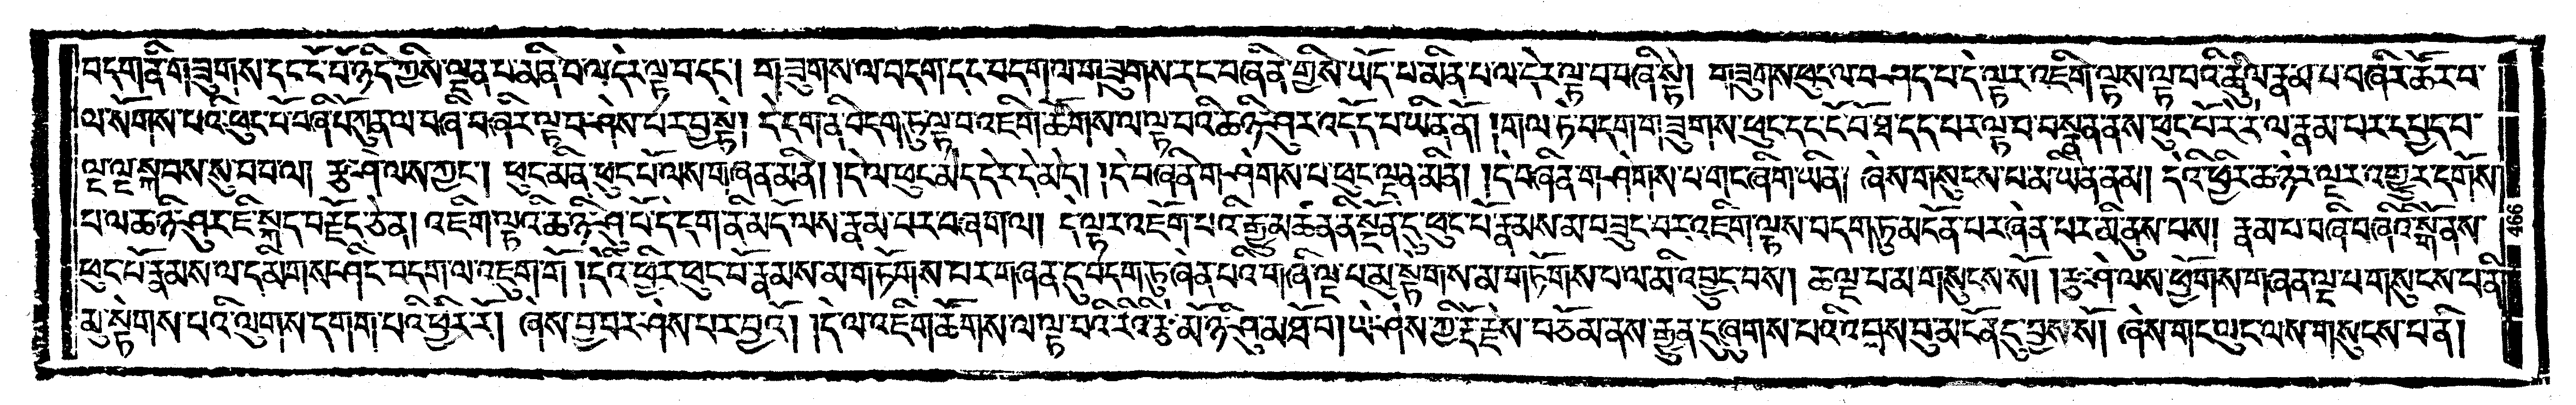བདག་ནི་གཟུགས་དང་ངོ་བོ་ཉིད་ཀྱིས་ལྡན་པ་མིན་པ་ལ་དེར་ལྟ་བ་དང་། གཟུགས་ལ་བདག་དང་བདག་ལ་གཟུགས་རང་བཞིན་གྱིས་ཡོད་པ་མིན་པ་ལ་དེར་ལྟ་བ་བཞི་སྟེ། གཟུགས་ཕུང་ལ་བཤད་པ་དེ་ལྟར་འཇིག་ལྟས་ལྟ་བའི་ཚུལ་རྣམ་པ་བཞིར་ཚོར་བ་
ལ་སོགས་པའི་ཕུང་པོ་བཞི་པོ་ཀུན་ལ་བཞི་བཞིར་ལྟ་བ་ཤེས་པར་བྱ་སྟེ། དེ་དག་ནི་བདག་ཏུ་ལྟ་བ་འཇིག་ཚོགས་ལ་ལྟ་བའི་ཆ་ཉི་ཤུར་འདོད་པ་ཡིན་ནོ། །གལ་ཏེ་བདག་གཟུགས་ཕུང་དང་ངོ་བོ་ཐ་དད་པར་ལྟ་བ་བསྣན་ནས་ཕུང་པོ་རེ་རེ་ལ་རྣམ་པར་དཔྱད་པ་
ལྔ་ལྔ་སྐབས་སུ་བབ་ལ། རྩ་ཤེ་ལས་ཀྱང་། ཕུང་མིན་ཕུང་པོ་ལས་གཞན་མིན། །དེ་ལ་ཕུང་མེད་དེར་དེ་མེད། །དེ་བཞིན་གཤེགས་པ་ཕུང་ལྡན་མིན། །དེ་བཞིན་གཤེགས་པ་གང་ཞིག་ཡིན། ཞེས་གསུངས་པ་མ་ཡིན་ནམ། དེའི་ཕྱིར་ཆ་ཉེར་ལྔར་འགྱུར་དགོས་
པ་ལ་ཆ་ཉི་ཤུར་ཇི་སྐད་བརྗོད་ཅེ་ན། འཇིག་ལྟའི་ཆ་ཉི་ཤུ་པོ་དེ་དག་ནི་མདོ་ལས་རྣམ་པར་བཞག་ལ། དེ་ལྟར་འཇོག་པའི་རྒྱུ་མཚན་ནི་སྔོན་དུ་ཕུང་པོ་རྣམས་མ་བཟུང་བར་འཇིག་ལྟས་བདག་ཏུ་མངོན་པར་ཞེན་པར་མི་ནུས་པས། རྣམ་པ་བཞི་བཞིའི་སྒོ་ནས་
ཕུང་པོ་རྣམས་ལ་དམིགས་ཤིང་བདག་ལ་འཇུག་གོ །དེའི་ཕྱིར་ཕུང་པོ་རྣམས་མ་གཏོགས་པར་གཞན་དུ་བདག་ཏུ་ཞེན་པའི་གཞི་ལྔ་པ་མུ་སྟེགས་མ་གཏོགས་པ་ལ་མི་འབྱུང་བས། ཆ་ལྔ་པ་མ་གསུངས་སོ། །རྩ་ཤེ་ལས་ཕྱོགས་གཞན་ལྔ་པ་གསུངས་པ་ནི་
མུ་སྟེགས་པའི་ལུགས་དགག་པའི་ཕྱིར་རོ། ཞེས་བྱ་བར་ཤེས་པར་བྱའོ། །དེ་ལ་འཇིག་ཚོགས་ལ་ལྟ་བའི་རིའི་རྩེ་མོ་ཉི་ཤུ་མཐོ་བ། ཡེ་ཤེས་ཀྱི་རྡོ་རྗེས་བཅོམ་ནས་རྒྱུན་དུ་ཞུགས་པའི་འབྲས་བུ་མངོན་དུ་བྱས་སོ། ཞེས་གང་ལུང་ལས་གསུངས་པ་ནི།